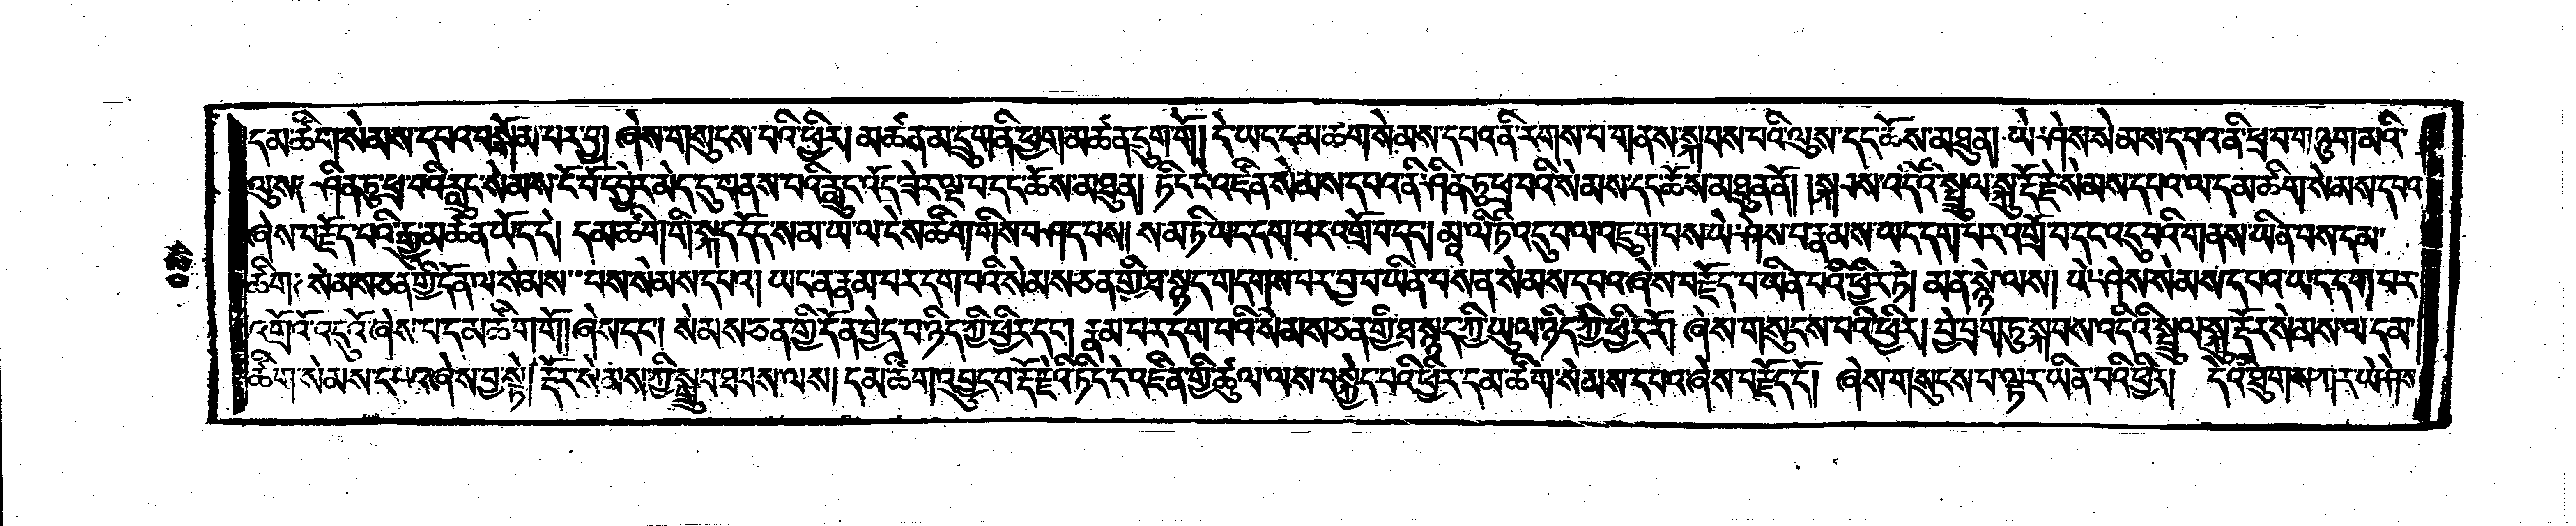དམ་ཚིག་སེམས་དཔའ་བསྒོམ་པར་བྱ། ཞེས་གསུངས་པའི་ཕྱིར། མཚན་མ་དྲུག་ནི་ཕྱག་མཚན་དྲུག་གོ །དེ་ཡང་དམ་ཚིག་སེམས་དཔའ་ནི་རགས་པ་གནས་སྐབས་པའི་ལུས་དང་ཆོས་མཐུན། ཡེ་ཤེས་སེམས་དཔའ་ནི་ཕྲ་བ་གཉུག་མའི་
ལུས། ཤིན་ཏུ་ཕྲ་བའི་རླུང་སེམས་ངོ་བོ་དབྱེར་མེད་དུ་གནས་པའི་རླུང་འོད་ཟེར་ལྔ་པ་དང་ཆོས་མཐུན། ཏིང་ངེ་འཛིན་སེམས་དཔའ་ནི་ཤིན་ཏུ་ཕྲ་བའི་སེམས་དང་ཆོས་མཐུན་ནོ། །སྐབས་འདིའི་སྤྲུལ་སྐུ་རྡོ་རྗེ་སེམས་དཔའ་ལ་དམ་ཚིག་སེམས་དཔའ་
ཞེས་བརྗོད་པའི་རྒྱུ་མཚན་ཡོད་དེ། དམ་ཚིག་གི་སྐད་དོད་ས་མ་ཡ་ལ་ངེས་ཚིག་གིས་བཤད་པས། ས་མ་ཏི་ཡང་དག་པར་འགྲོ་བ་དང་། མཱ་ལི་ཏི་འདུ་བ་ལ་འཇུག་པས་ཡེ་ཤེས་པ་རྣམས་ཡང་དག་པར་འགྲོ་བ་དང་འདུ་བའི་གནས་ཡིན་པས་དམ་
ཚིག ༑སེམས་ཅན་གྱི་དོན་ལ་སེམས་པས་སེམས་དཔའ། ཡང་ན་རྣམ་པར་དག་པའི་སེམས་ཅན་གྱི་ཐ་སྙད་གདགས་པར་བྱ་བ་ཡིན་པས་ན་སེམས་དཔའ་ཞེས་བརྗོད་པ་ཡིན་པའི་ཕྱིར་ཏེ། མན་སྙེ་ལས། ཡེ་ཤེས་སེམས་དཔའ་ཡང་དག་པར་
འགྲོའོ་འདུའོ་ཞེས་པ་དམ་ཚིག་གོ །ཞེས་དང་། སེམས་ཅན་གྱི་དོན་བྱེད་པ་ཉིད་ཀྱི་ཕྱིར་དང་། རྣམ་པར་དག་པའི་སེམས་ཅན་གྱི་ཐ་སྙད་ཀྱི་ཡུལ་ཉིད་ཀྱི་ཕྱིར་རོ། །ཞེས་གསུངས་པའི་ཕྱིར། བྱེ་བྲག་ཏུ་སྐབས་འདིའི་སྤྲུལ་སྐུ་རྡོར་སེམས་ལ་དམ་
ཚིག་སེམས་དཔའ་ཞེས་བྱ་སྟེ། རྡོར་སེམས་ཀྱི་སྒྲུབ་ཐབས་ལས། དམ་ཚིག་འབྱུང་བ་རྡོ་རྗེའི་ཏིང་ངེ་འཛིན་གྱི་ཚུལ་ལས་བསྐྱེད་པའི་ཕྱིར་དམ་ཚིག་སེམས་དཔའ་ཞེས་བརྗོད་དོ། ཞེས་གསུངས་པ་ལྟར་ཡིན་པའི་ཕྱིར། དེའི་ཐུགས་ཀར་ཡེ་ཤེས་